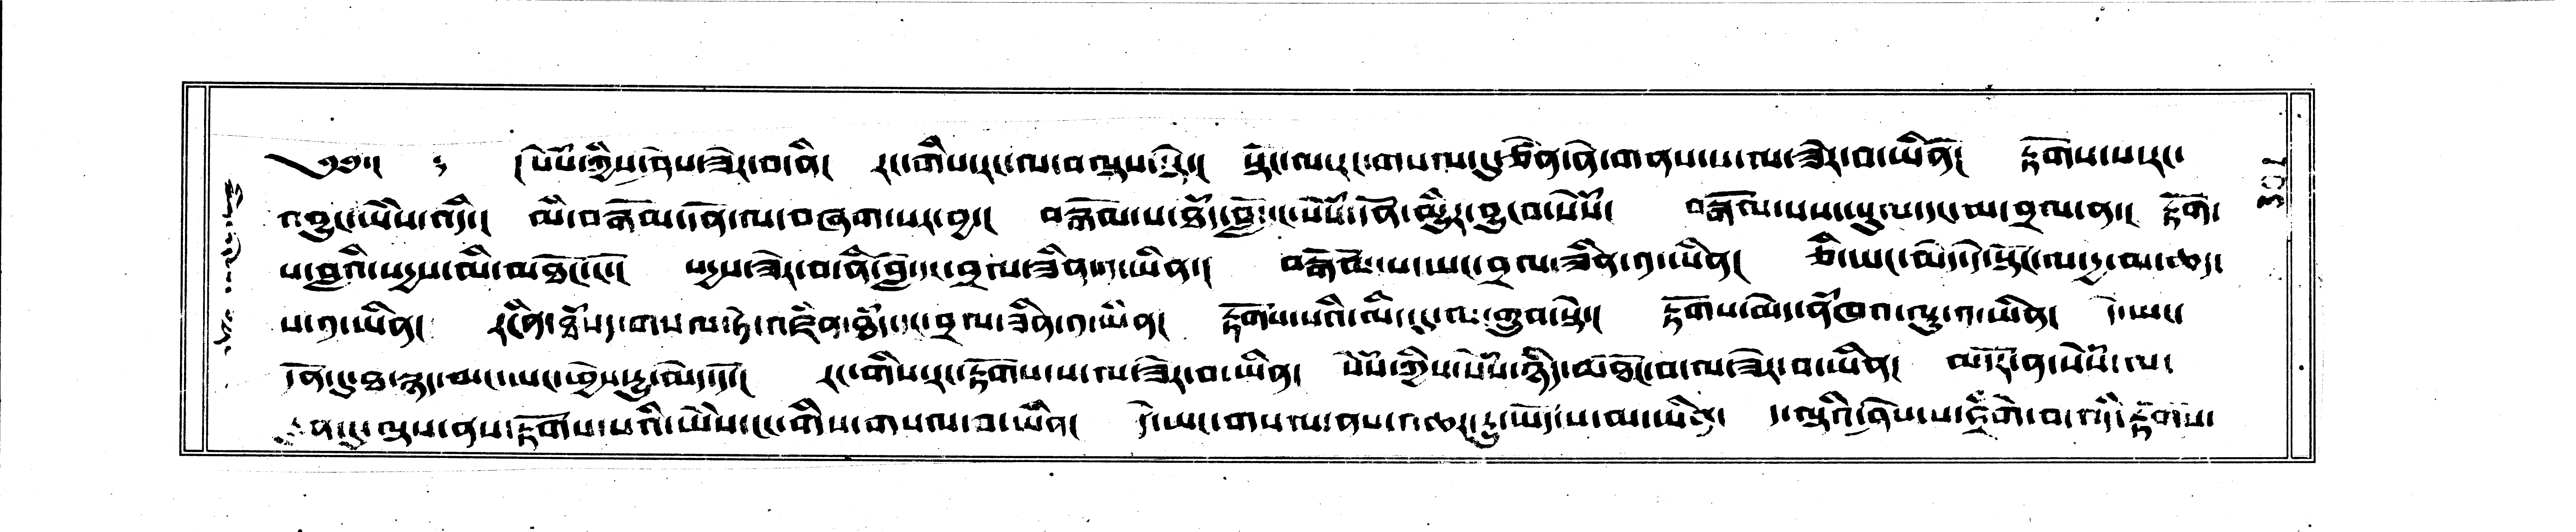སེམས་ཀྱིས་ཤེས་ཟེར་བ་ནི། རང་གིས་རང་ལ་བལྟས་སྟེ་སྟོང་ལ་རང་གསལ་དུ་ཙེན་ནེ་གནས་པ་དེ་ལ་ཟེར་བ་ཡིན་ནོ། རྟོགས་པ་རང་
འབྱུང་གིས་ཡེ་ཤེས་འདི། མི་སྒོམས་དོན་ལ་བཞག་པར་བྱ། སྒོམས་པ་ཐམས་ཅད་བློ་དང་སེམས། དོན་འགྱུར་བྱང་སེམས། སྒོམས་པའི་ཡུལ་དང་མ་བྲལ་ན། རྟོག་
པའི་བློའི་སངས་རྒྱས་མི་མཐོང་ངོ་། སངས་རྒྱས་ཟེར་བ་ནི་བློ་དང་ཡང་བྲལ་ཟིན་གཅིག་ཡིན། སྒོམ་པ་ཡང་བྲལ་ཟིན་གཅིག་ཡིན། ཅི་ཡང་མེད་དེ་སྟོང་ལ་རྒྱ་མ་ཆད་
པ་གཅིག་ཡིན། རང་བཞིན་གསལ་ཏེ་འཛིན་པ་ཐམས་དང་བྲལ་ཟིན་ཡིན། རྟོག་པའི་མིང་དུ་མ་གྲུབ་སྟེ་ རྟོག་མེད་ནམ་མཁའ་ལྟ་བུ་གཅིག་ཡིན། དེ་ཡང་
དོན་དུ་བསྟན་ན། ཐ་སྙད་མང་ཡང་ཕྱི་རུ་‘‘ཕྱེས་རྒྱུ”མེད་དོ། རང་གིས་རང་རྟོགས་པ་ལ་ཟེར་བ་ཡིན། སེམས་ཀྱིས་སེམས་མཐོང་པ་ལ་ཟེར་བ་ཡིན། མདོར་ན་སེམས་ལ་
རྒྱུན་དུ་བལྟས་ན། རྟོགས་པའི་ཡེ་ཤེས་ངང་གིས་གསལ་བ་ཡིན། དེ་ཡང་གསལ་ནས་འཆར་རྒྱུ་གཅིག་ཡོད་པ་མ་ཡིན། ད་ལྟའི་ཤེས་པའི་ཧྲིག་གེ་བ་འདི་རྟོག་